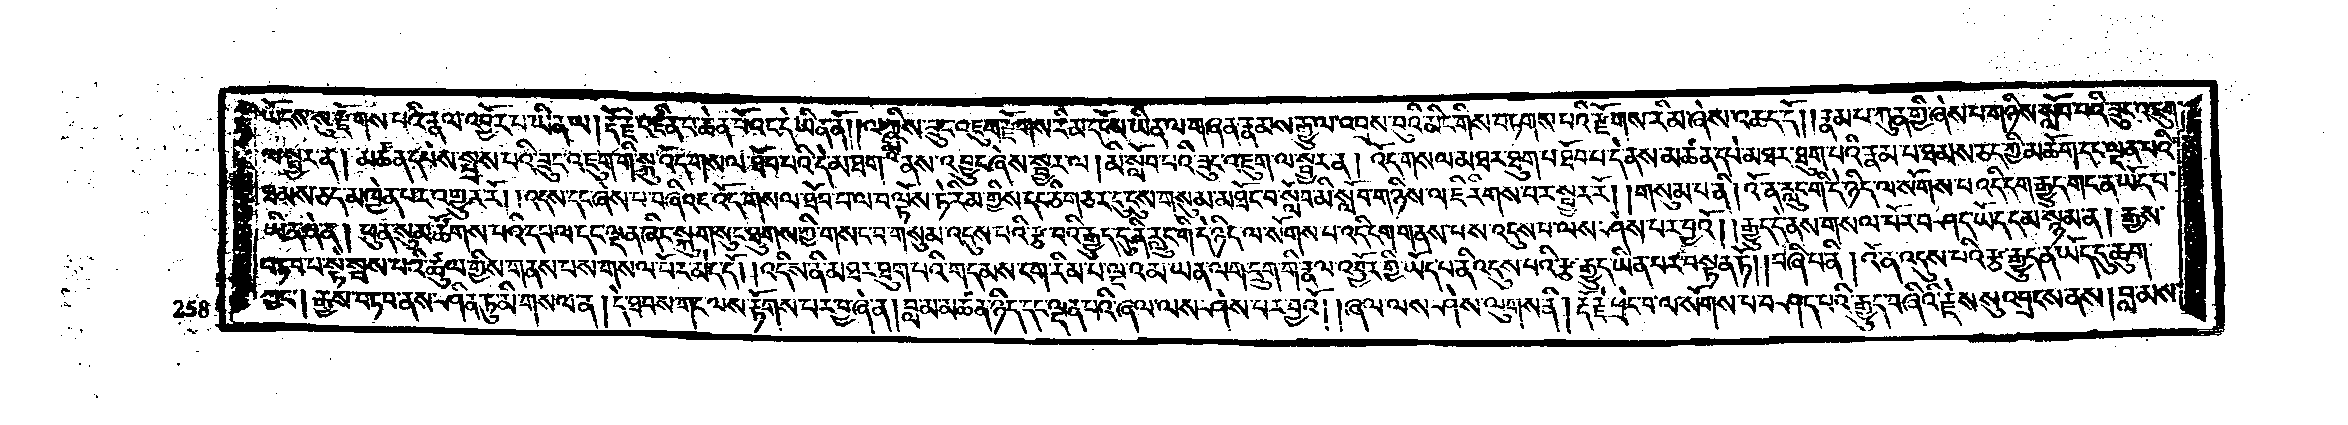ཡོངས་སུ་རྫོགས་པའི་རྣལ་འབྱོར་པ་ཡིན་ལ། རྡོ་རྗེ་འཛིན་པ་ཆེན་པོའང་དེ་ཡིན་ནོ། །ལཀྵྨཱིས་ཟུང་འཇུག་རྫོགས་རིམ་དངོས་ཡིན་ལ་གཞན་རྣམས་རྒྱུ་ལ་འབྲས་བུའི་མིང་གིས་བཏགས་པའི་རྫོགས་རིམ་ཞེས་འཆད་དོ། །རྣམ་པ་ཀུན་གྱི་ཞེས་པ་གཉིས་སློབ་པའི་ཟུང་འཇུག་
ལ་སྦྱར་ན། མཚན་དཔེས་སྤྲས་པའི་ཟུང་འཇུག་གི་སྐུ་འོད་གསལ་ཐོབ་པའི་དེ་མ་ཐག་ནས་འབྱུང་ཞེས་སྦྱར་ལ། མི་སློབ་པའི་ཟུང་འཇུག་ལ་སྦྱར་ན། འོད་གསལ་མཐར་ཐུག་པ་ཐོབ་པ་དེ་ནས་མཚན་དཔེ་མཐར་ཐུག་པའི་རྣམ་པ་ཐམས་ཅད་ཀྱི་མཆོག་དང་ལྡན་པའི་
ཐམས་ཅད་མཁྱེན་པར་འགྱུར་རོ། །འདས་དང་ཞེས་པ་བཞིའང་འོད་གསལ་ཐོབ་པ་ལ་བལྟོས་ཏེ་རིམ་གྱིས་དང་ཅིག་ཅར་དུ་དུས་གསུམ་མཐོང་བ་སློབ་མི་སློབ་གཉིས་ལ་ཇི་རིགས་པར་སྦྱར་རོ། །གསུམ་པ་ནི། འོ་ན་རླུང་གི་དེ་ཉིད་ལ་སོགས་པ་འདི་དག་རྒྱུད་གང་ན་ཡོད་པ་
ཡིན་ཞེ་ན། ཕུན་སུམ་ཚོགས་པའི་དཔལ་དང་ལྡན་ཞིང་སྐུ་གསུང་ཐུགས་ཀྱི་གསང་བ་གསུམ་འདུས་པའི་རྩ་བའི་རྒྱུད་དུ་ནི་རླུང་གི་དེ་ཉིད་ལ་སོགས་པ་འདི་དག་གནས་པས་འདུས་པ་ལས་ཤེས་པར་བྱའོ། །རྒྱུད་དེ་ནས་གསལ་པོར་བཤད་ཡོད་དམ་སྙམ་ན། རྒྱས་
བཏབ་པ་སྟེ་སྦས་པའི་ཚུལ་གྱིས་གནས་པས་གསལ་པོར་མེད་དོ། །འདིས་ནི་མཐར་ཐུག་པའི་གདམས་ངག་རིམ་པ་ལྔ་འམ་ཡན་ལག་དྲུག་གི་རྣལ་འབྱོར་གྱི་ཡོད་པ་ནི་འདུས་པའི་རྩ་རྒྱུད་ཡིན་པར་བསྟན་ཏོ། །བཞི་པ་ནི། འོ་ན་འདུས་པའི་རྩ་རྒྱུད་ན་ཡོད་དུ་ཆུག་
ཀྱང་། རྒྱས་བཏབ་ནས་ཤིན་ཏུ་མི་གསལ་ན། དེ་ཐབས་གང་ལས་རྟོགས་པར་བྱ་ཞེ་ན། བླ་མ་མཚན་ཉིད་དང་ལྡན་པའི་ཞལ་ལས་ཤེས་པར་བྱའོ། །ཞལ་ལས་ཤེས་ལུགས་ནི། རྡོ་རྗེ་ཕྲེང་བ་ལ་སོགས་པ་བཤད་པའི་རྒྱུད་བཞིའི་རྗེས་སུ་འབྲངས་ནས། བླ་མ་